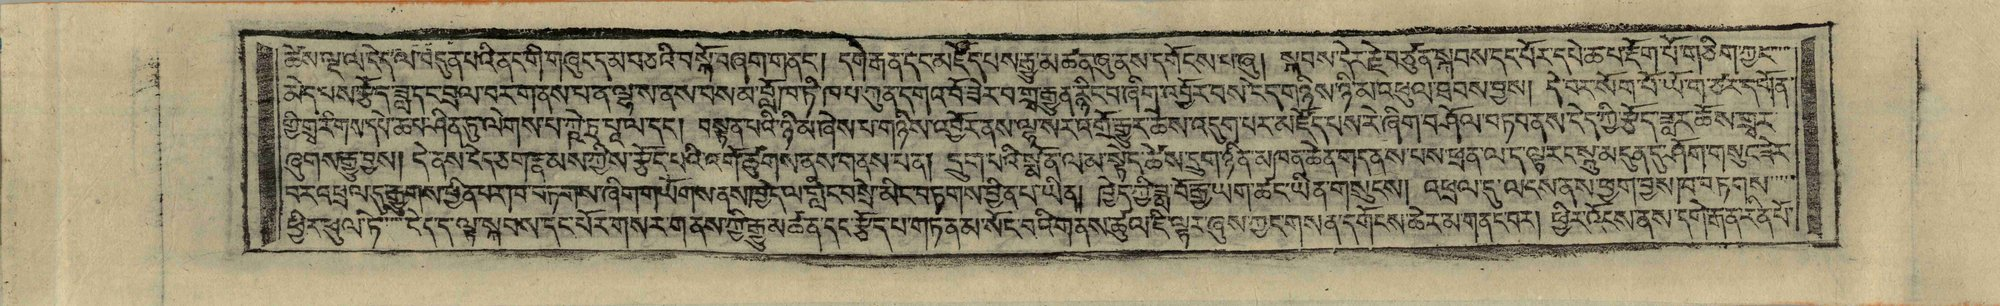ཚེས་ལྔ་ལ་ངེད་ལ་བདུན་པའི་ནང་གི་གཞུང་དམ་བཅའི་བསྒོ་བཞག་གནང་། དགེ་རྒན་དང་མཛོད་པས་རྒྱུ་མཚན་ཞུ་ནས་དགོངས་པ་ཞུ། སྐབས་དེར་རྗེ་བཙུན་སྐབས་དང་པོར་དཔེ་ཆ་པ་རྡོག་པོ་གཅིག་ཀྱང་
མེད་པས་རྩོད་ཟླ་དང་བྲལ་བར་གནས་པ་ན་ལྷ་ས་ནས་བསམ་བློ་ཁ་ཏི་ཁ་པ་ཀུན་དགའ་བོ་ཟེར་བ་གྲྭ་རྒྱུན་རྙིང་བ་ཞིག་འབྱོར་བས་ངེད་གཉིས་ཉི་མ་འཕུལ་ཐབས་བྱས། དེ་བར་སོག་པོ་ཡོ་ག་ཙར་དགོན་
གྱི་གྲྭ་རིགས་དཔེ་ཆ་པ་ཤིན་ཏུ་ལེགས་པ་ཀྵེ་ཏྲ་པཱ་ལ་དང་། བསྟན་པའི་ཉི་མ་ཞེས་པ་གཉིས་འབྱོར་ནས་ལྷ་སར་འགྲོ་རྒྱུར་ཆེས་འདུག་པར་མཛོད་པས་རེ་ཞིག་བཤོལ་བཏབ་ནས་ངེད་ཀྱི་རྩོད་ཟླར་ཆོས་གྲྭར་
ཞུགས་རྒྱུ་བྱས། དེ་ནས་ངེད་ཅག་རྣམས་ཀྱིས་རྩོད་པའི་འགོ་ཚུགས་ནས་གནས་པ་ན། དྲུག་པའི་སྨོན་ལམ་སྟེང་ཚེས་དྲུག་ཉིན་མཁན་ཆེན་གདན་ས་པས་ཕྲན་ལ་ད་ལྟར་ང་སྐུ་མདུན་དུ་ཤོག་གསུང་ཟེར་
བར་འཕྲལ་དུ་རྒྱུགས་ཕྱིན་པར་ཁ་བཏགས་ཞིག་གཡོགས་ནས་ཁྱེད་ལ་གླིང་བསྲེ་མིང་བཏགས་བྱིན་པ་ཡིན། ཁྱེད་ཀྱི་ཟླ་བོ་རྒྱ་ཡག་ཚང་ཡིན་གསུངས། འཕྲལ་དུ་ལངས་ནས་ཕྱག་བྱས་ཁ་བཏགས་
ཕྱིར་ཕུལ་ཏེ་ངེད་ད་ལྟ་སྐབས་དང་པོར་གསར་གནས་ཀྱི་རྒྱུ་མཚན་དང་རྩོད་པ་གཏན་མ་སོང་བའི་གནས་ཚུལ་ཇི་ལྟར་ཞུས་ཀྱང་གསན་དགོངས་ཆེར་མ་གནང་བར། ཕྱིར་འོངས་ནས་དགེ་རྒན་རིན་པོ་